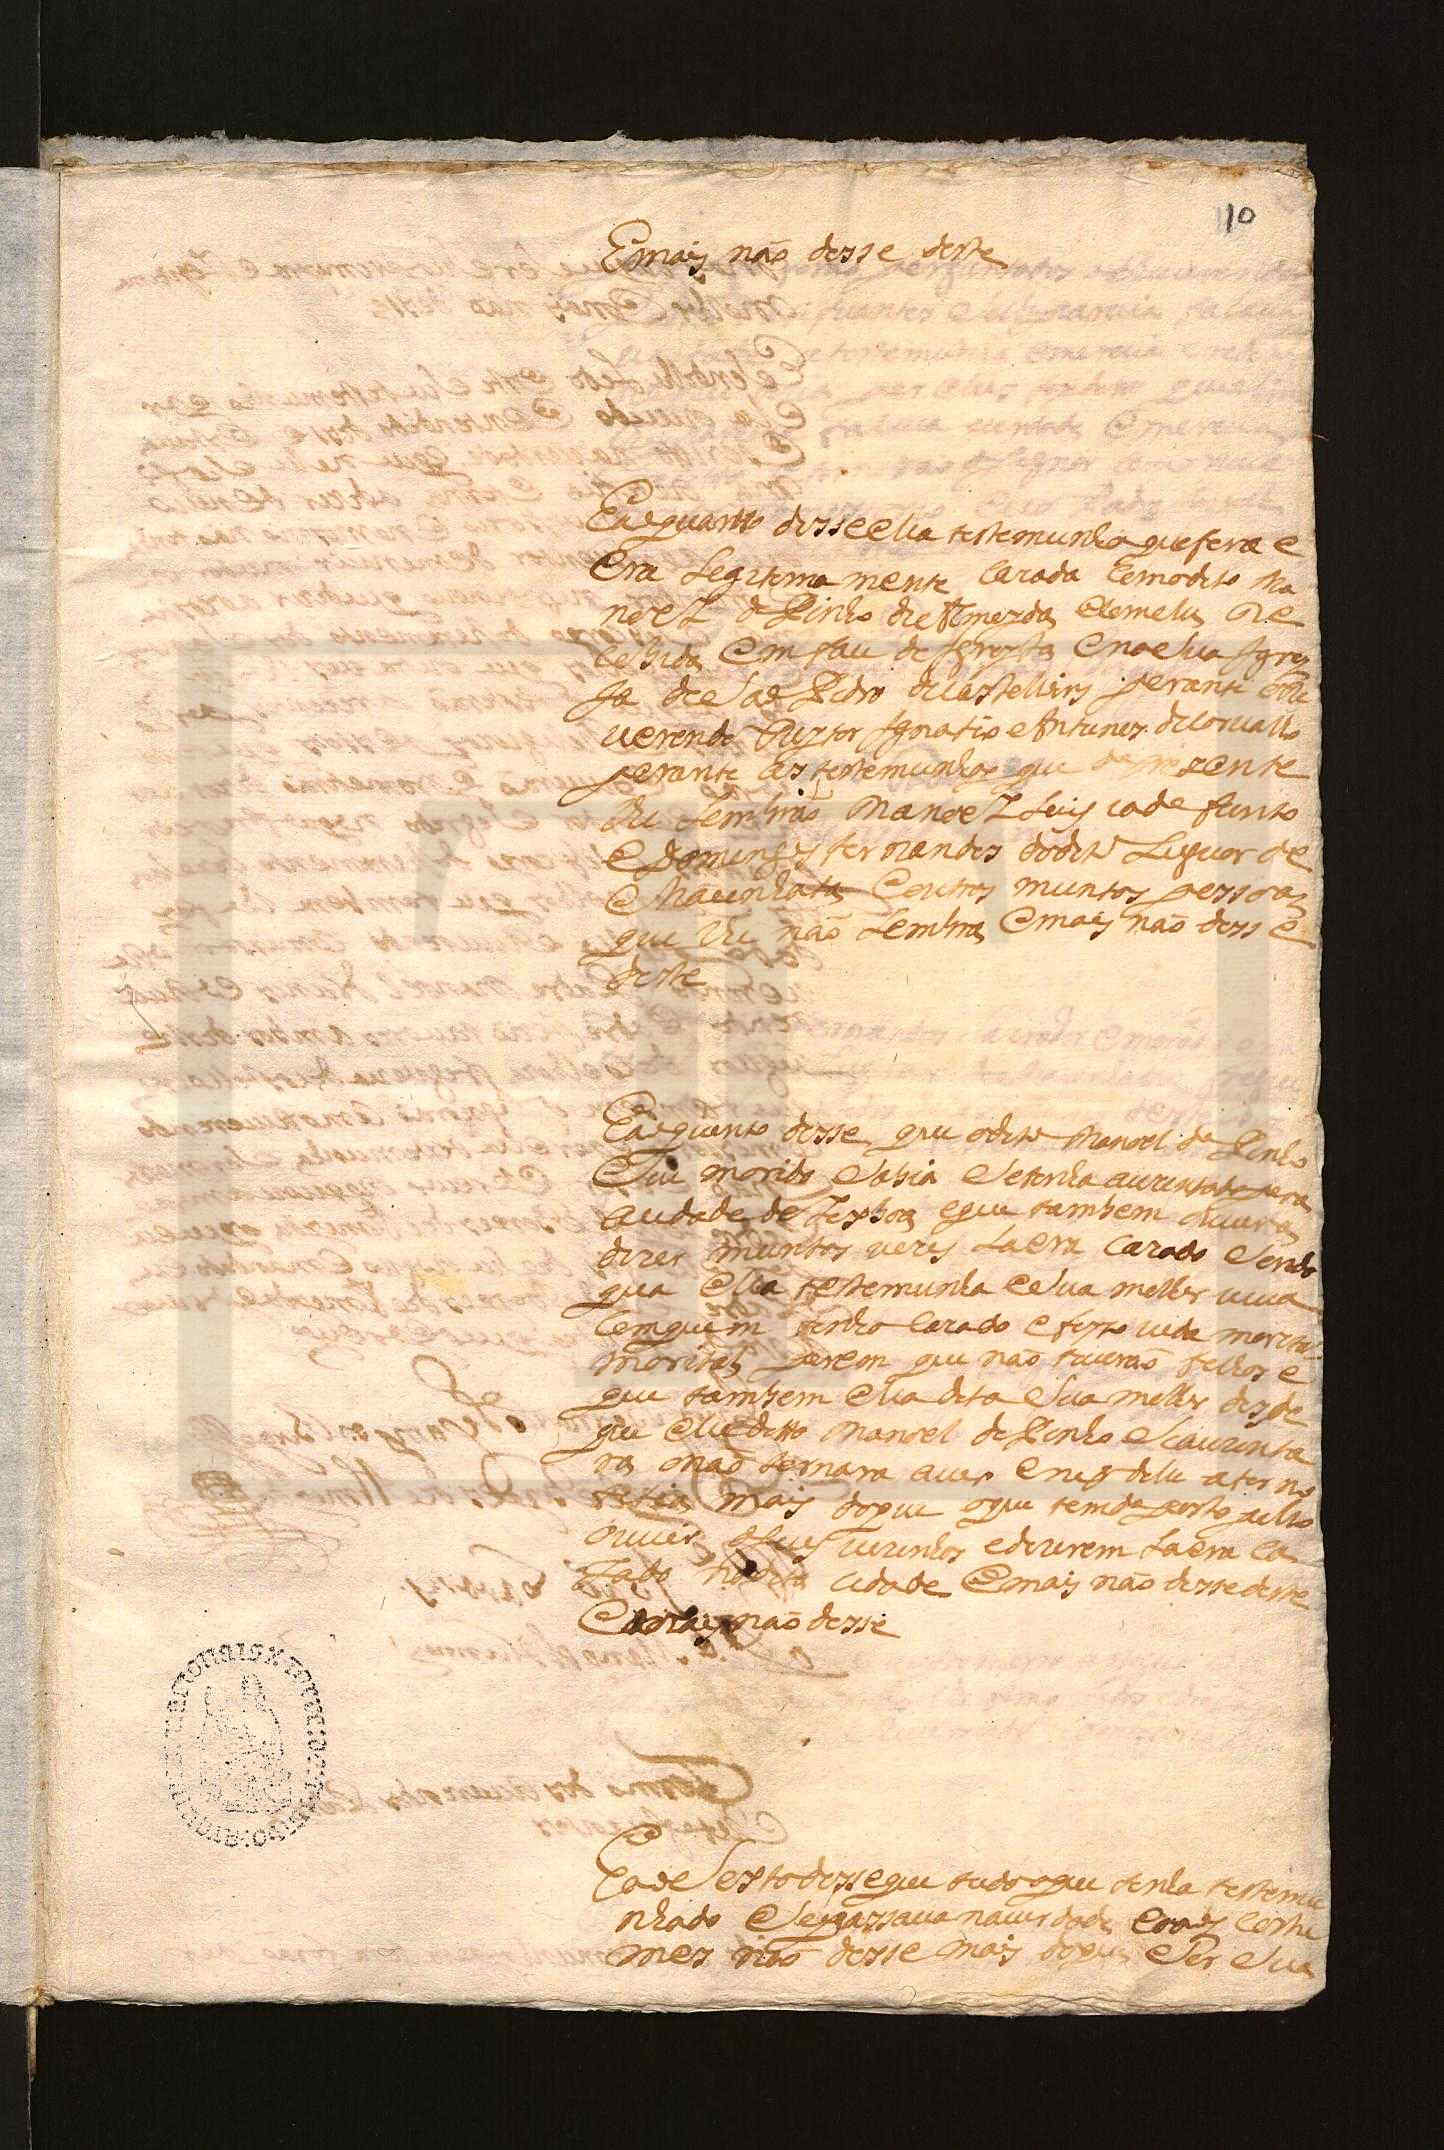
E mais naõ desse deste
E ao quarto disse ella testemunha que fora e
era Legitimamente cazada com o dito Ma
noeL de Pinho de Almeyda e com elle Re
cebida Em face de Jgreyja, e na Sua Jgrej
Ja de Saõ Pedro de castelloins perante o Re
uerendo Reytor Ignasio Antunes de carualho
perante as testemunhas que de prezente
lhe Lembraõ ManoeL Luis ia defunto
e Domingos fernandes do dito Luguar de
Macinhata e outras muntas pessoas
que lhe naõ Lembra E mais naõ disse
deste
E ao quinto disse que o dito Manoel da Pinho
Seu marido sabia se tinha auzentado pera
a cidade de Lixboa e que tambem ouuira
dizer muntas vezes La era cazado sendo
qua ella testemunha e Sua molher uiua
com quem tinha cazado e feyto uida marital
marital porem que naõ tiueraõ filhos e
que tambem ella dita Sua molher desde
que elle ditto manoel de Pinho Se auzenta
ra o naõ tornara a uer e naõ delle a ter no
tisia mais do que o que tem deposto pello
ouuir a seus uezinhos e dizerem La era ca
Zado na dita cidade E mais naõ disse deste
E mais naõ disse
E ao Sexto disse que tudo o que tinha testemu
nhado Se passaua na uerdade e o aos costu
mes naõ disse mais do que Ser Sua
